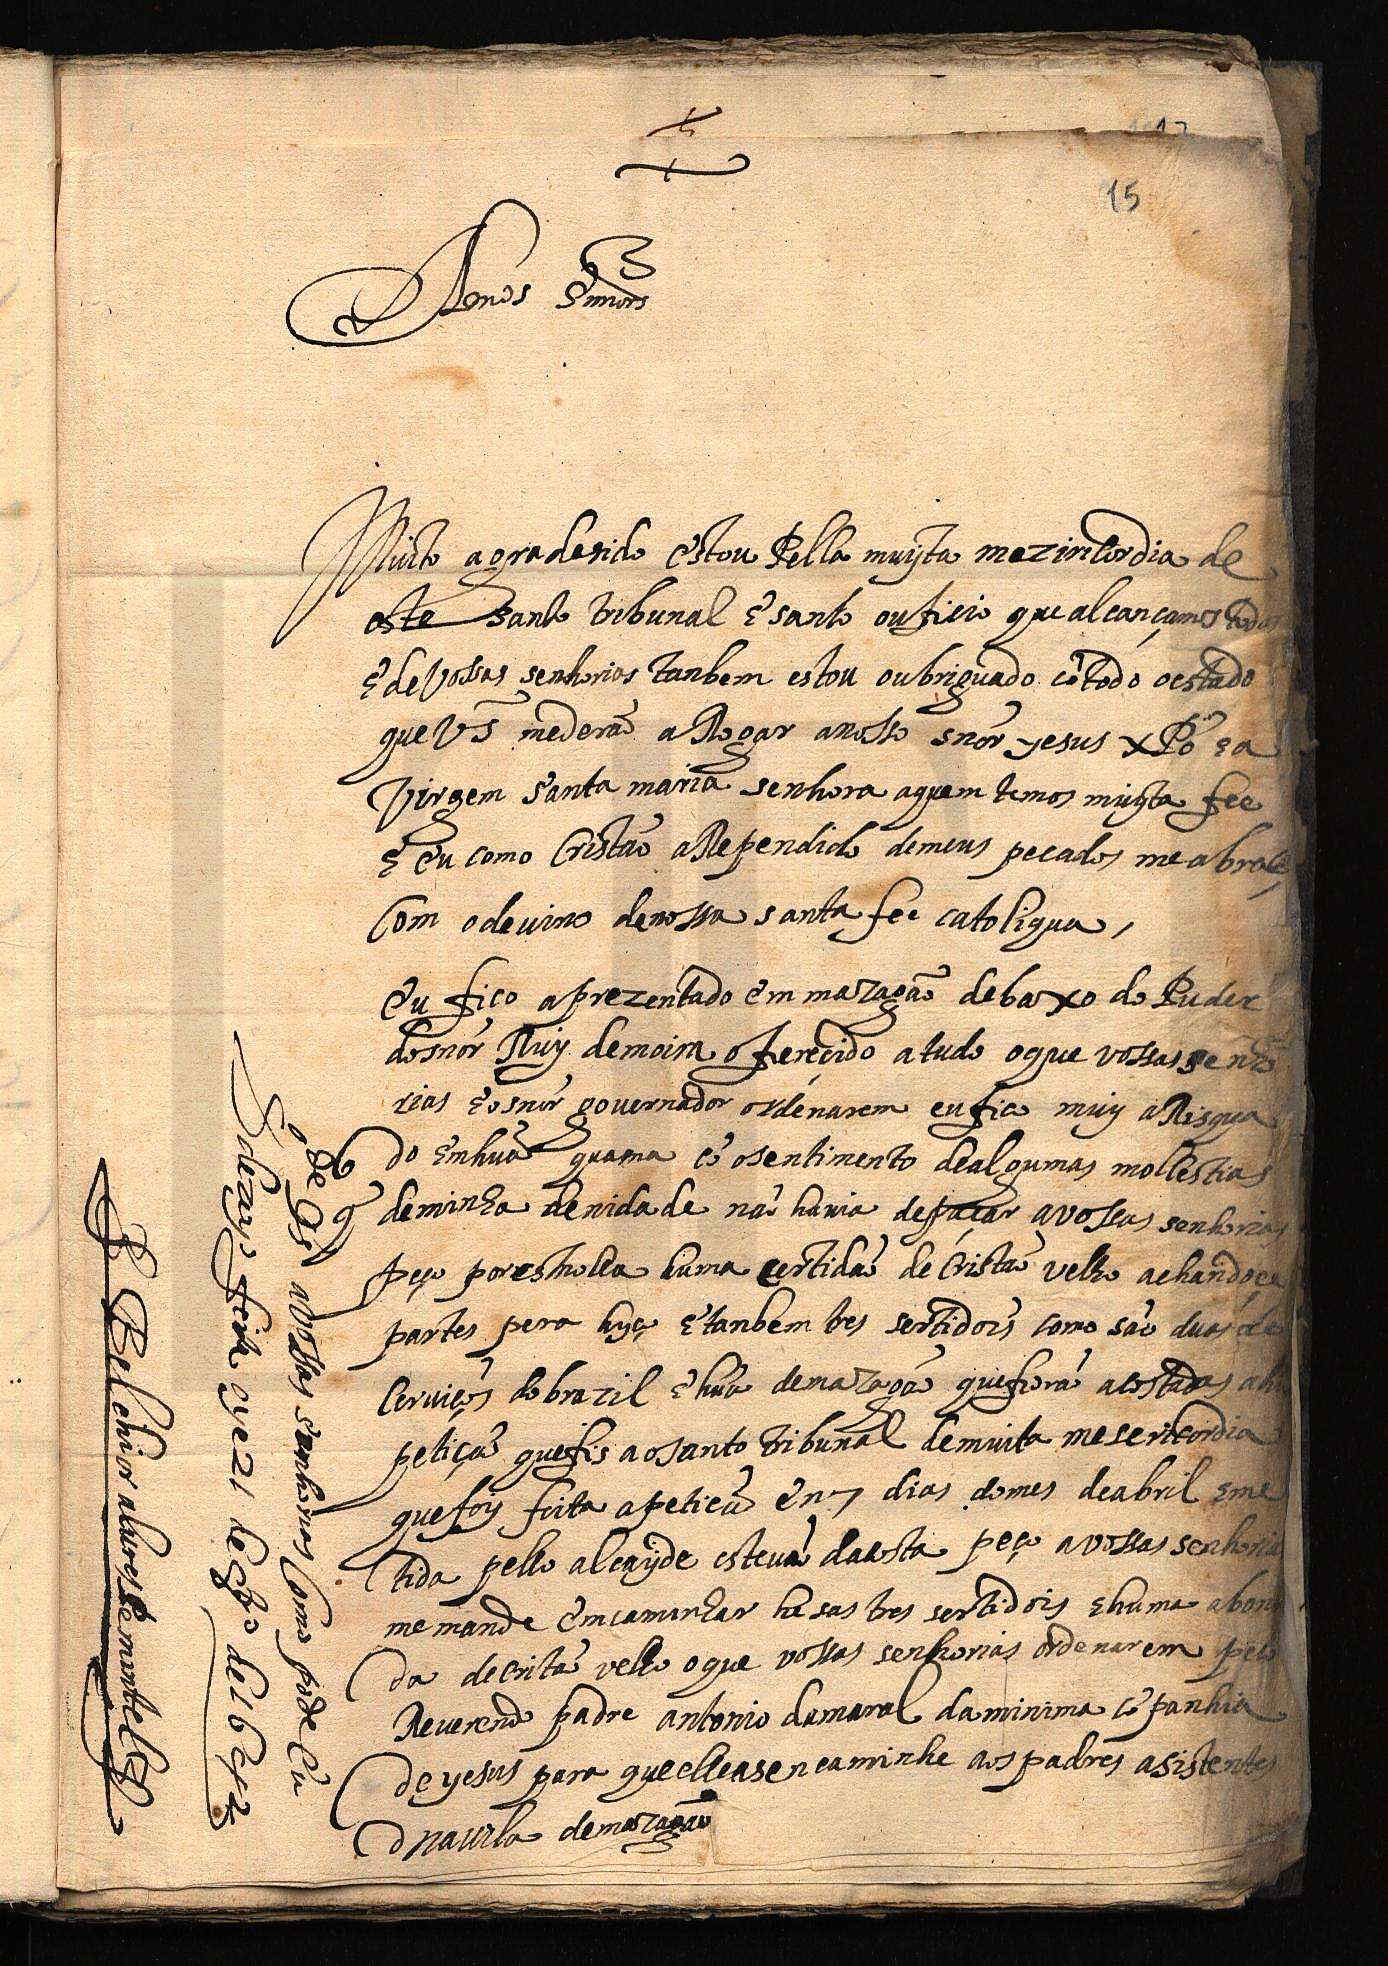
Ilmos Snnor̄s
Muito agradesido estou Pella muyta meziricordia de
este santo tribunal E santo ouficio que alcançamos todos
E de Vossas senhorias tanbem estou oubriguado cō todo o estado
que Vs̄ me derão a Rogar a nosso snor̄ Jesus xPō E a
Virgem santa maria senhora a quem temos muyta fee
E eu como Cristaõ aRependido de meus pecados me abraço
Com o deuino de nossa santa fee catoliqua
Eu fico aprezentado em mazagão debaxo do Puder
do snōr Ruy de moira oferecido a tudo o que vossas senho
rias E o snor̄ gouernador ordenarem eu fico muy aRisqua
do Em huā quama cō o sentimento de algumas mollestias
q̄ de minha denidade naõ hauia de paçar a vossas senhorias
peço por esmolla huma certidaõ de cristaõ velho achandoçe
partes pera hyço E tambem tres sertidoẽs como saõ duas de
ceruiços do brazil E huā de mazagaõ que foraõ acostadas ahi
petiçaõ que fis ao santo tribunal de muita mesericordia
que foy feita a petiçaõ e nos dias do mes de abril E me
tida pello alcayde esteuaõ da costa peço a vossas senhoria
me mande emcaminhar hesas tres sertidois E huma a bom
da de cristaõ velho o que vossas senhorias ordenarem pelo
Reuerendo padre antonio damaral da minima cōpanhia
de yesus para que elle as encaminhe aos padres asistentes
d na uila de mazagão
